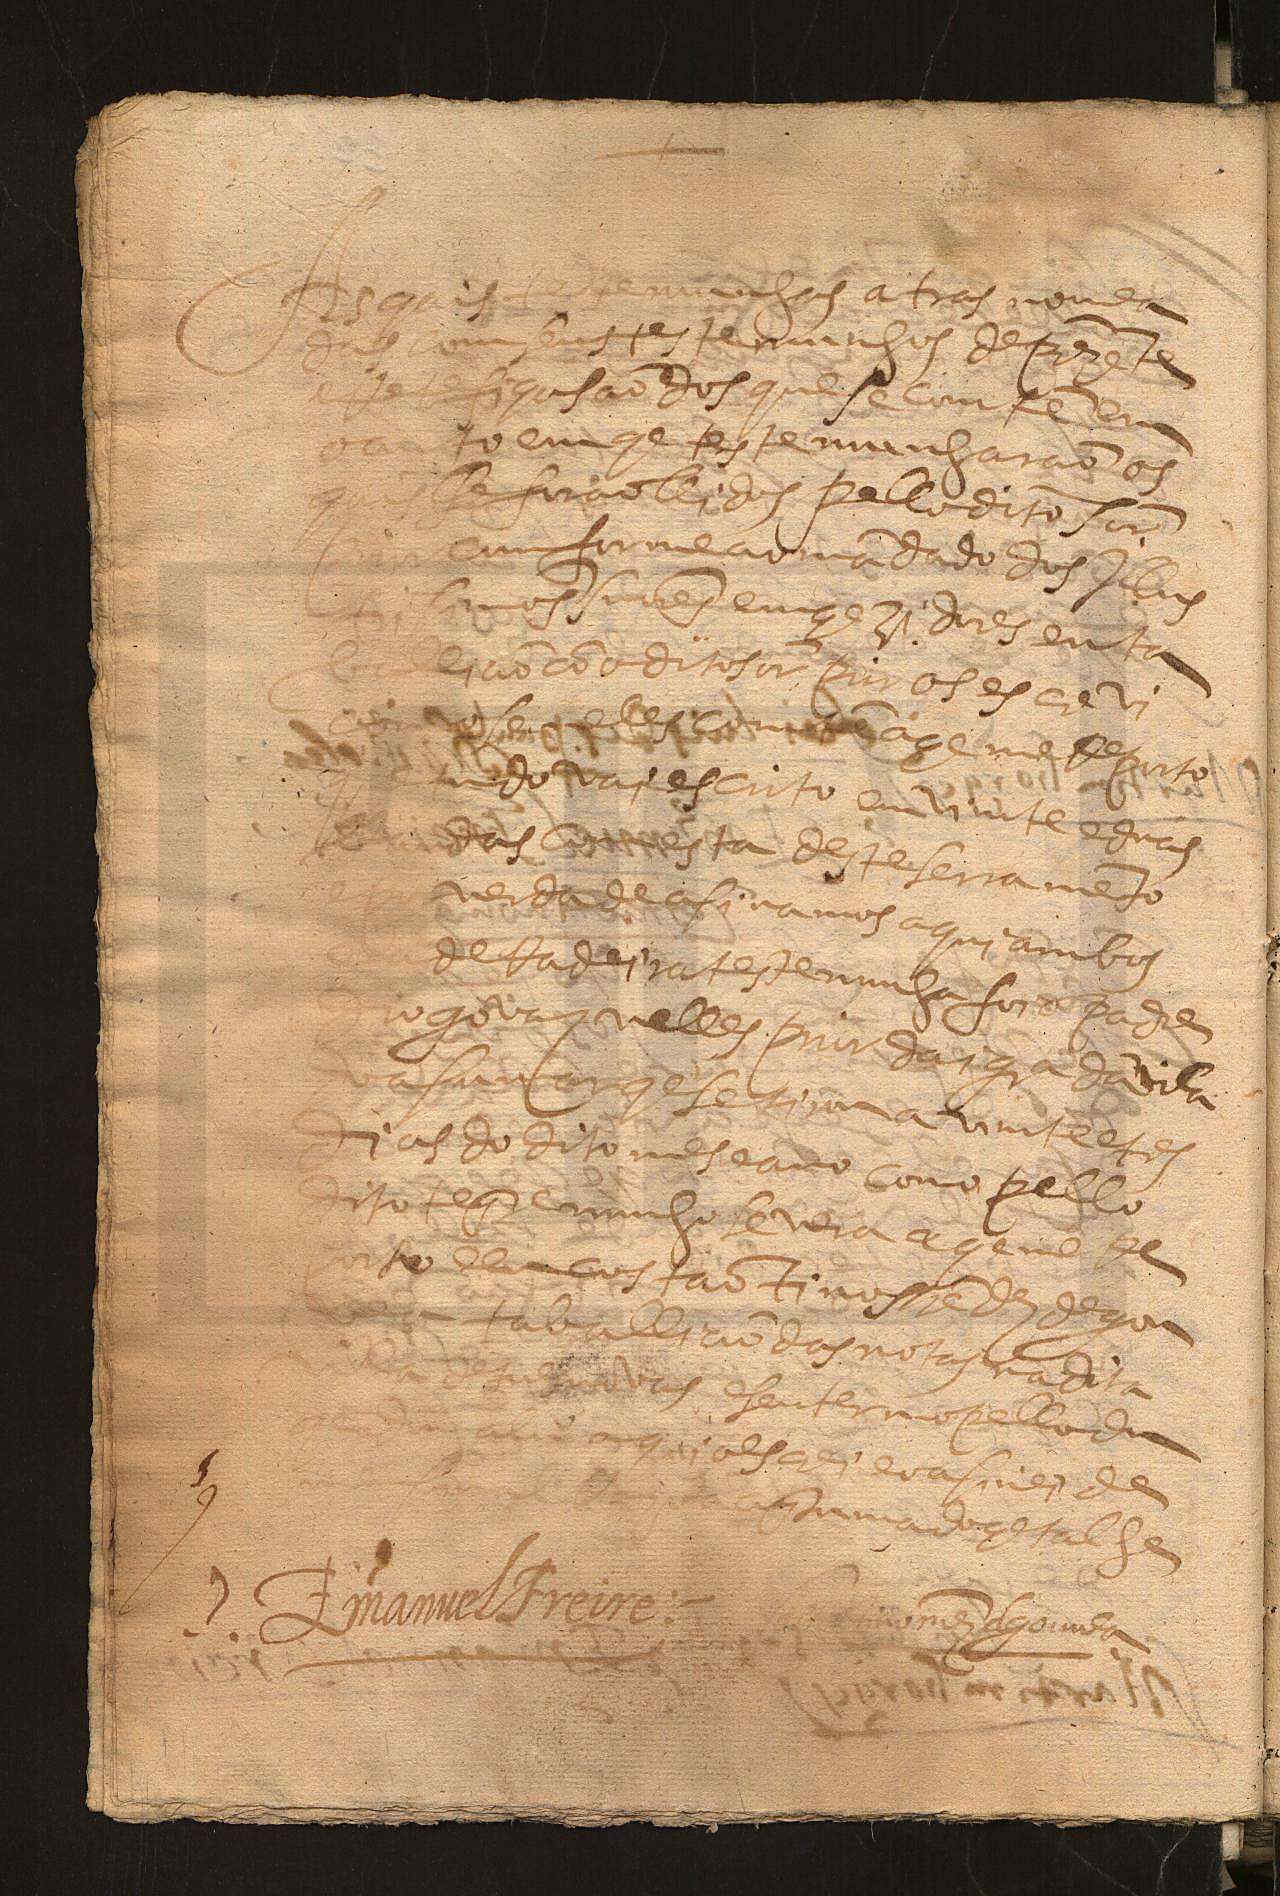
As qais testemunhas atras nomea
das com seus testemunhos de presēte
e Retefiqasaõ dos que se comtē em
o auto em qe testemunharaõ os
qais lhe foraõ llidos pello dit̄o sor̄
prir comforme ao mādado dos Jllus
trisimos Sorēs emqezidores eu ta
balliaõ cō o dito sor̄ prir os escrevi
como se nelles comtē a qe me Reporto
que tudo vaj escrito em vimte e duas
llaudas com esta deste serramēto
e por verdade asinamos aquj ambos
deRadeira testemunha foi o padre
diogo vaz velles prior da igra da vila
do asumar qe se tirou a vimte e tres
dias do dito mes e ano como pello
dito testemunho se vera a qe me Re
porto e eu costaõtino Mēdes de gou
vea taballiaõ das notas na dita
villa de tores nouas e seu termo pello du
qe dom aluo aqui o escrevi e o asinei de
meu sinal R_ custumado qe tal he
tino m̄ez dgouuea
Em̄anuel Freire
